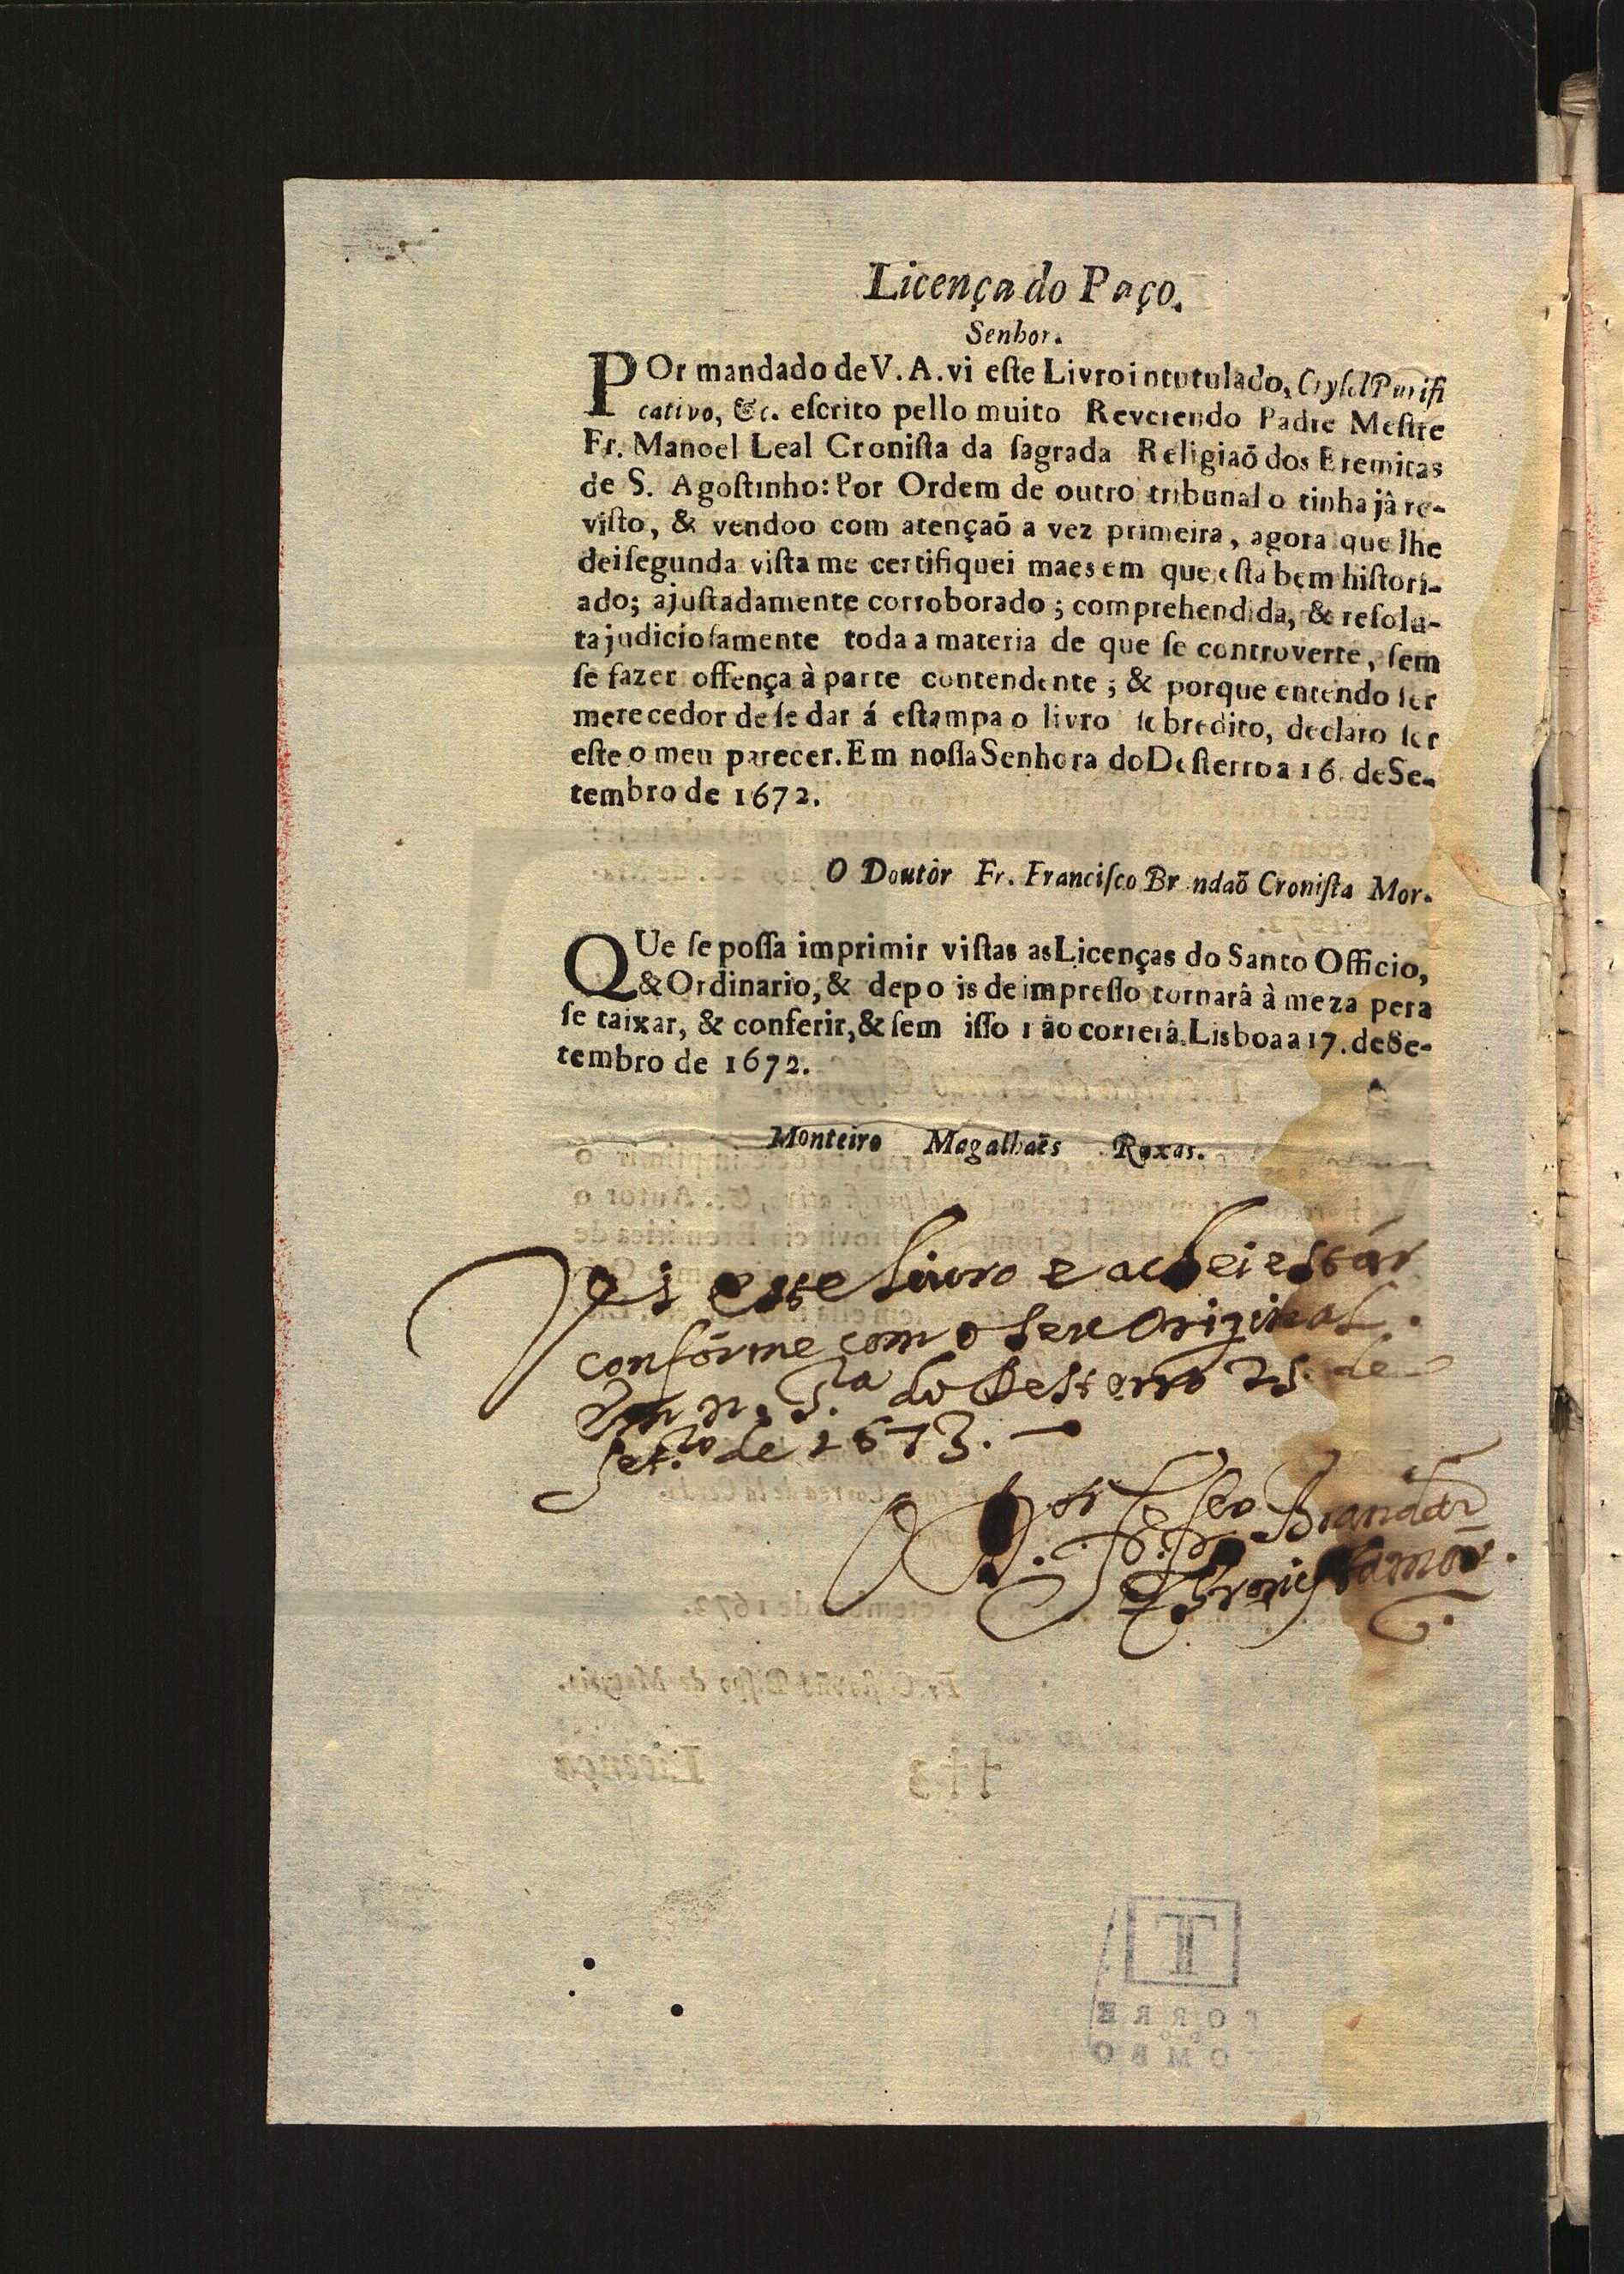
Licença do Paço.
Senhor.
POr mandado de V. A. vi este Livro intitulado, Crysol Purifi
cativo, &c. escrito pello muito Reverendo Padre Mestre
Fr. Manoel Leal Cronista da sagrada Religiaõ dos Eremitas
de S. Agostinho: Por Ordem de outro tribunal o tinha jâ re
visto, & vendoo com atençaõ a vez primeira, agora que lhe
dei segunda vista me certifiquei maes em que esta bem histori
ado; ajustadamente corroborado; comprehendida, & resolu
ta judiciosamente toda a materia de que se controverte, sem
se fazer offença à parte contendente; & porque entendo ser
merecedor de se dar á estampa o livro sobredito, declaro ser
este o meu parecer. Em nossa Senhora do Desterro a 16 de Se
tembro de 1672.
O Doutor Fr. Francisco Br ndaõ Cronista Mor.
QUe se possa imprimir vistas as Licenças do Santo Officio,
& Ordinario, & depois de impresso tornarâ à meza pera
se taixar, & conferir, & sem isso não correrâ Lisboa a 17. de de
tembro de 1672.
Monteiro
Magalhaẽs
Roxas.
Vi este liuro e achei estar
conforme com o seu original
Em n. S.ra do Desterro 25. de
Set.ro de 1673.
O D.or fr frco Brandaõ
Chronista mor.
